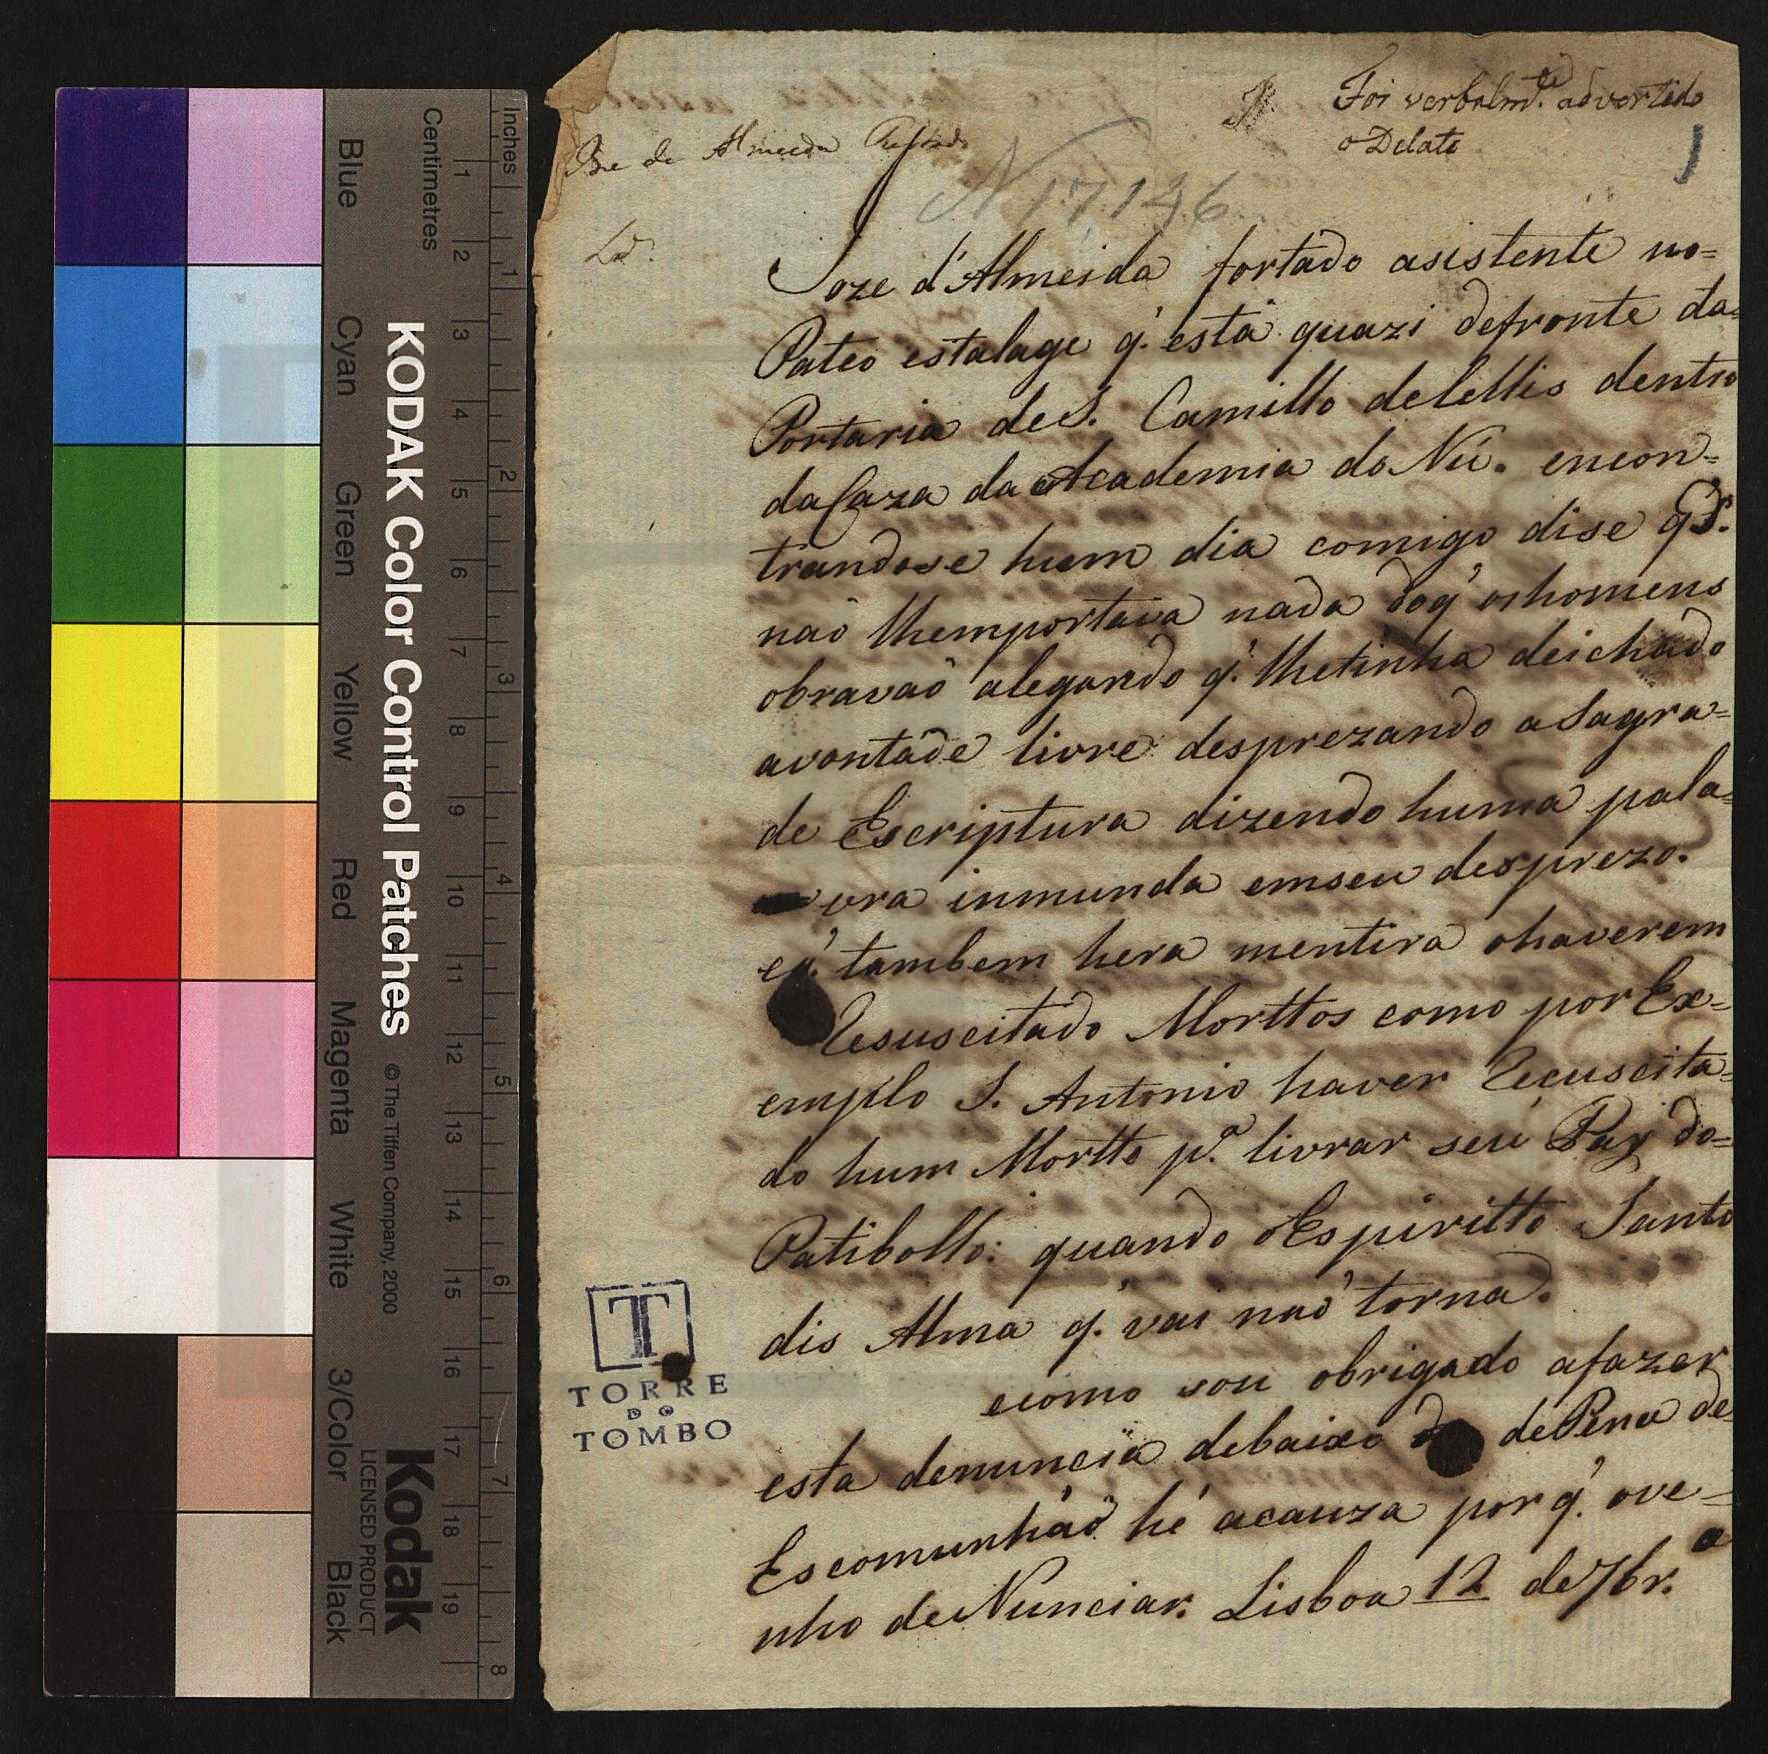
Foi verbalm.te advertido
o Delato
Joze de Almeida Furtado
Lxa.
Ioze d'Almeida fortado asistente no
Pateo estalage q̄ esta quazi defronte da
Portaria de S. Camillo de Lellis dentro
da Caza da Academia do Nú encon
trandose hum dia comigo dise q̄ se
naõ lhemportava nada do q̄ os homens
obravaõ alegando q̄ lhe tinha deichado
a vontade livre, desprezando a Sagra
de Escriptura dizendo huma pala
vra inmunda em seu desprezo
e _ tambem hera mentira o haverem
Resuscitado Morttos como por Ex
emplo S. Antonio haver Reçuscita
do hum Mortto p.a livrar seu Pay do
Patibollo: quando o Espiritto Santo
dis Alma q̄ vai naõ torna
e como sou obrigado a fazer
esta denuncia debaixo d_ de Pena de
Escomunhaõ hé a cauza porq̄ o ve
nho deNunciar Lisboa 12 de 7br.
